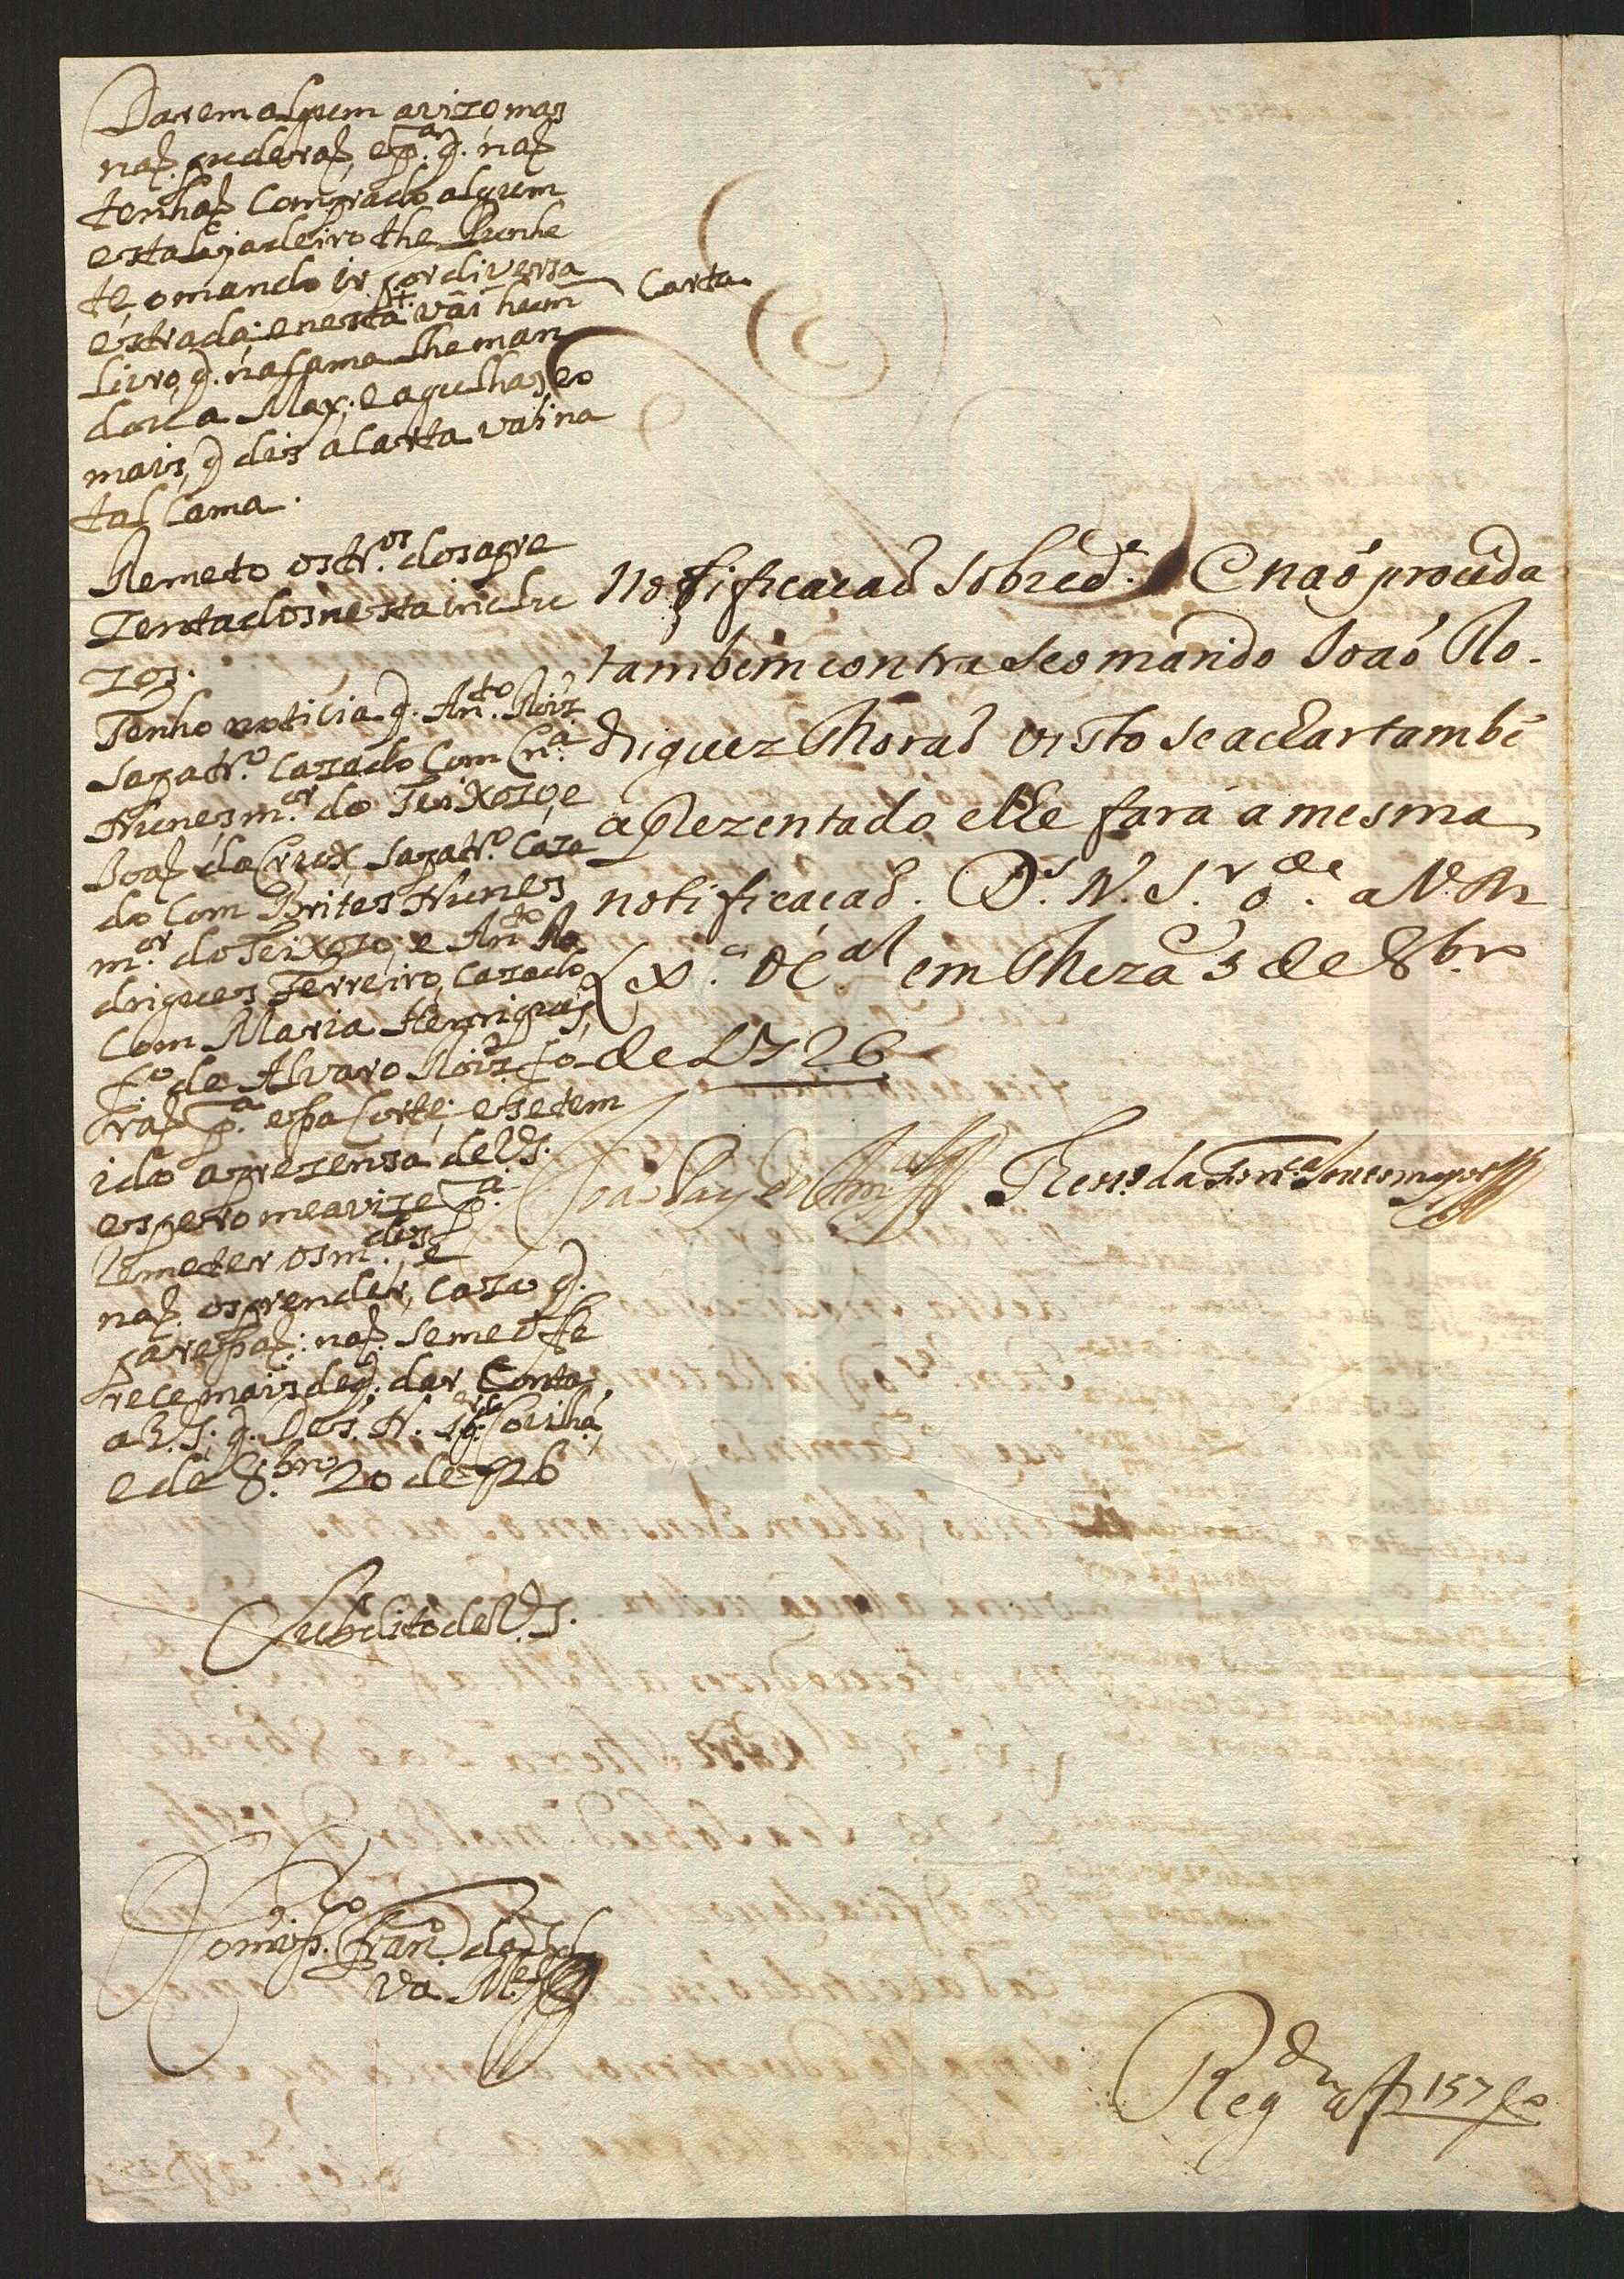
Darem algum avizo, mas
naõ puderaõ, e p.a q̄ naõ
tenhaõ comprado algum
estalayadeiro the Punhe
Carta
te, o mando ir por diversa
estrada; e nesta + vai hum
Livro, q̄ na cama lhe man
dou a May; e agulhas, e o
mais, q̄ dis a carta vai na
tal cama.
Remeto os tr.os dos apre
notificaçaõ sobred.a E naõ proceda
zentados nesta inclu
tambem contra seo marido Ioaõ Ro
zos.
Tenho noticia q̄. An.to Roiz̄
driguez Moraõ visto se achar tambē
sapatr.o cazado com Cn:a
Nunes, m.er do Teixozo, e
apRezentao e lhe fará a mesma
Ioaõ da Crus, sapatr.o caza
notificaçaõ. D.s N. S.r g.de a V M
do com Brites Nunes
m.er do Teixozo; e Anto Ro
Lx.a oc.al em Meza 5 de 8.bro
drigues Ferreiro, cazado
Com Maria Henriques,
f.o de Alvaro Roiz̄ fo
de 1726
raõ p.a essa Corte; e se tem
ido a prezensa de V. S.
espero me avize p.a
Joaõ Paes do Am.al Theot.o da Fon.ca Souto mayor
Remeder os m.dos, e
naõ os prender, caza q̄.
paressaõ: naõ se me offe
rece mais de q̄; dar Conta
a V. S; q̄. Des̄ N. s.or g:de Covilhã,
e de 8.bro 20 de 726
Subdito de V. S.
O Comiss.o Fran.co da syl
va M.el
Regda a fL 157
